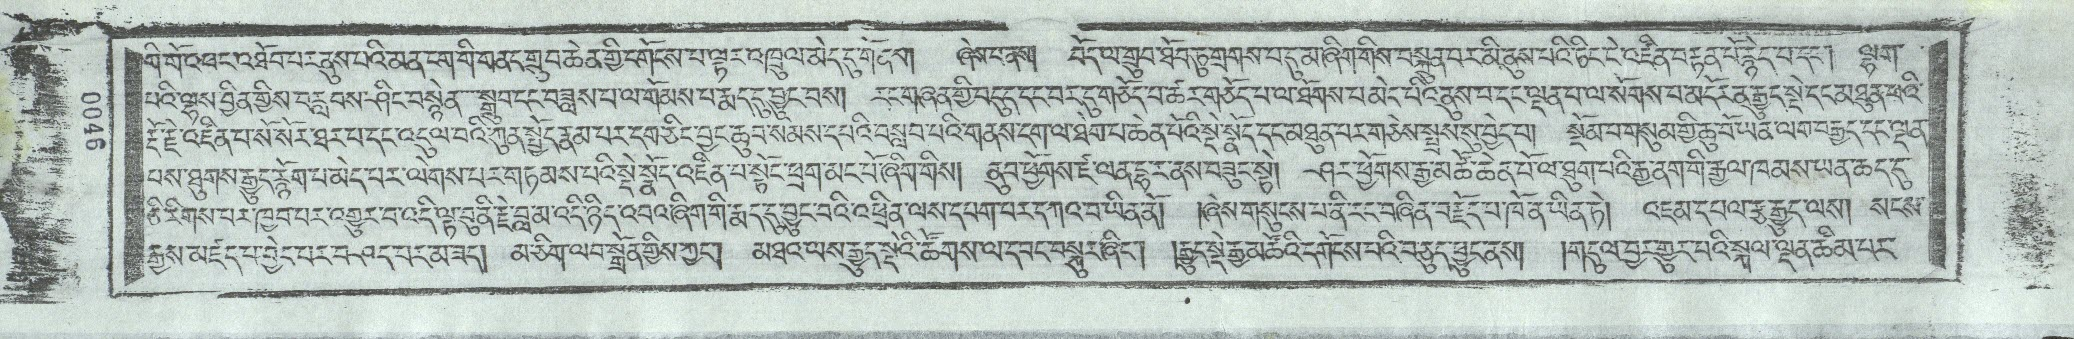གི་གོ་འཕང་འཐོབ་པར་ནུས་པའི་མན་ངག་གི་གནད་གྲུབ་ཆེན་གྱི་དགོངས་པ་ལྟར་འཁྲུལ་མེད་དུ་གོ་ནས། ཞེས་པ་ནས། བོད་ལ་གྲུབ་ཐོབ་ཏུ་གྲགས་པ་དུ་མ་ཞིག་གིས་བསྐྲུན་པར་མི་ནུས་པའི་ཏིང་ངེ་འཛིན་བརྟན་པོ་རྙེད་པ་དང་། ལྷག་
པའི་ལྷས་བྱིན་གྱིས་བརླབས་ཤིང་བསྙེན་སྒྲུབ་དང་བཟླས་པ་ལ་གོམས་པ་རྨད་དུ་བྱུང་བས། རང་གཞན་ཀྱི་བདུད་དང་བར་དུ་གཅོད་པ་ཚར་གཅོད་པ་ལ་ཐོགས་པ་མེད་པའི་ནུས་པ་དང་ལྡན་པ་ལ་སོགས་པ་མདོར་ན་རྒྱུད་སྡེ་དང་མཐུན་པའི་
རྡོ་རྗེ་འཛིན་པ་སོ་སོར་ཐར་པ་དང་འདུལ་བའི་ཀུན་སྤྱོད་རྣམ་པར་དག་ཅིང་བྱང་ཆུབ་སེམས་དཔའི་བསླབ་པའི་གནས་དག་ལ་ཐེག་པ་ཆེན་པོའི་སྡེ་སྣོད་དང་མཐུན་པར་གཅེས་སྤྲས་སུ་བྱེད་པ། སྔོམ་པ་གསུམ་གྱི་ཆུ་བོ་ཡན་ལག་བརྒྱད་དང་ལྡན་
པས་ཐུགས་རྒྱུད་རྙོག་པ་མེད་པར་ལེགས་པར་གཏམས་པའི་སྡེ་སྣོད་འཛིན་པ་སྟོང་ཕྲག་མང་པོ་ཞིག་གིས། ནུབ་ཕྱོགས་ཛ་ལན་དྷ་ར་ནས་བཟུང་སྟེ། ཤར་ཕྱོགས་རྒྱ་མཚོ་ཆེན་པོ་ལ་ཐུག་པའི་རྒྱ་ནག་གི་རྒྱལ་ཁམས་ཡན་ཆད་དུ་
ཅི་རིགས་པར་ཁྱབ་པར་འགྱུར་བ་འདི་ལྟ་བུ་ནི་རྗེ་བླ་མ་འདི་ཉིད་འབའ་ཞིག་གི་རྨད་དུ་བྱུང་བའི་འཕྲིན་ལས་དཔག་པར་དཀའ་བ་ཡིན་ནོ། །ཞེས་གསུངས་པ་ནི་རང་བཞིན་བརྗོད་པ་ཁོ་ན་ཡིན་ཏེ། འཇམ་དཔལ་རྩ་རྒྱུད་ལས། སངས་
རྒྱས་མཛད་པ་བྱེད་པར་བཤད་པར་མ་ཟད། མ་ཅིག་ལབ་སྒྲོན་གྱིས་ཀྱང་། མཐའ་ཡས་རྒྱུད་སྡེའི་ཚོགས་ལ་དབང་བསྐུར་ཞིང་། །རྒྱུད་སྔེ་རྒྱ་མཚོའི་དགོངས་པའི་བཅུད་ཕྱུང་ནས། །གདུལ་བྱར་གྱུར་བའི་སྐལ་ལྡན་ཚིམ་པར་